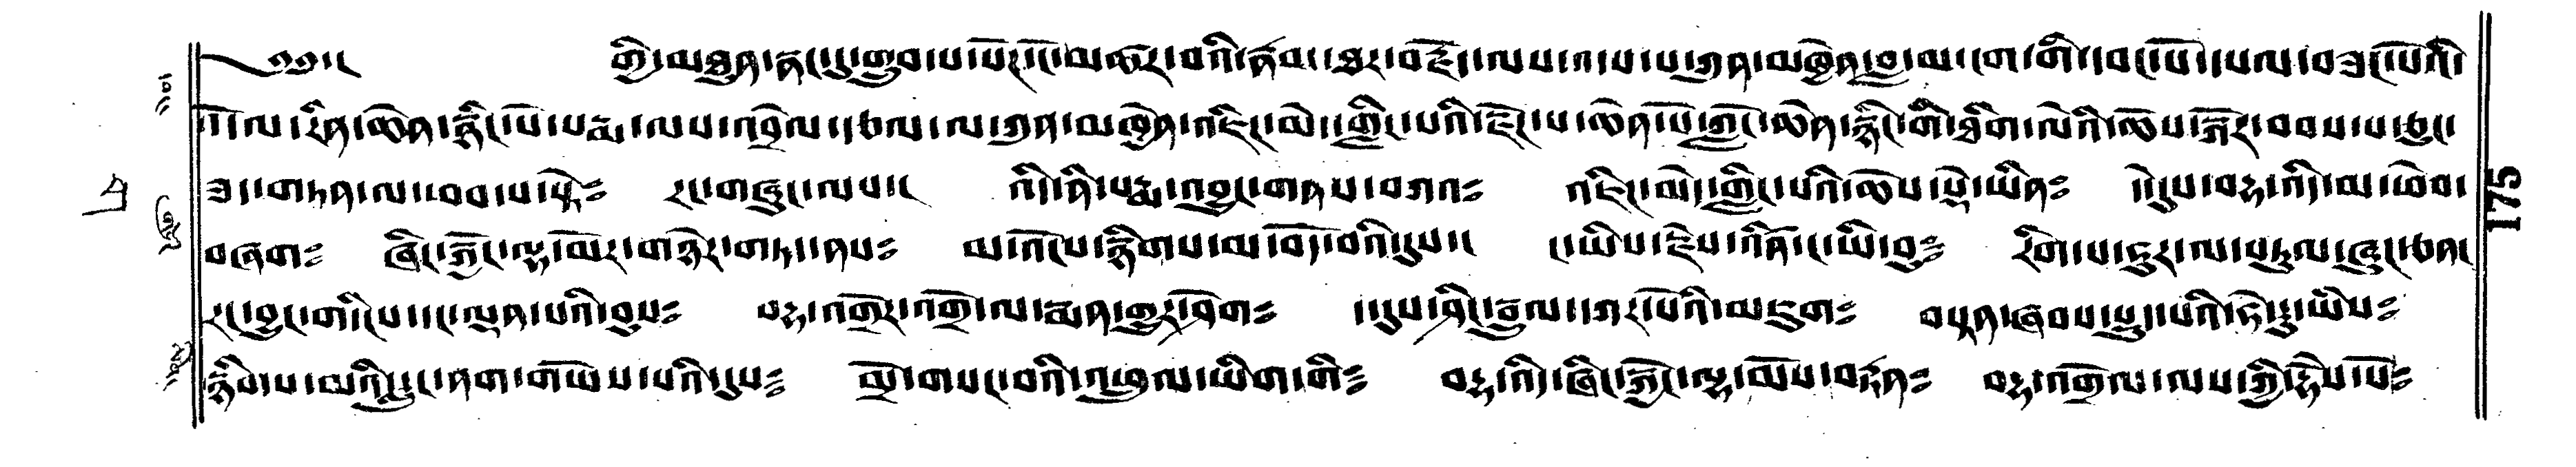གྱི་མཐུན་སྣང་དུ་གྲུབ་པ་སོགས་ངོ་མཚར་བའི་རྣམ་ཐར་བརྗོད་ལས་འདས་པ་ཀུན་མཁྱེན་བླ་མ་ངག་གི་དབང་པོ་དཔལ་བཟང་པོའི་
འོད་གསལ་རིན་ཆེན་སྙིང་པོ་པདྨ་ལས་འབྲེལ་རྩལ་ལ་ཀུན་མཁྱེན་འཇིགས་མེད་གླིང་པའི་རྫོགས་པ་ཆེན་པོ་ཀློང་ཆེན་སྙིང་གི་ཐིག་ལེའི་ཆོས་སྐོར་བབས་པ་ཅུང་
ཟད་གཏན་ལ་ཕབ་པ་སྟེ། རང་གཞུང་ལས། འདི་ནི་པདྨ་འབྱུང་གནས་བཀའ༔ འཇིགས་མེད་གླིང་པའི་ཆོས་སྡེ་ཡིན༔ དེ་དུས་བརྡ་འདི་མ་ཕེབ་
བཞག༔ ཞིང་སྐྱོང་ལྷ་མོར་གཉེར་གཏང་ནས༔ མ་འོངས་སྙིགས་མ་བདོ་བའི་དུས༔ ང་ཡིས་རྗེས་འཛིན་ང་ཡི་བུ༔ རིག་པ་ཧུར་ལ་བཏུལ་ཞུགས་ཅན༔ 
རང་བྱུང་གདིངས་དང་ལྡན་པའི་བུས༔ བརྡ་འགྲོལ་འགྲོ་ལ་སྨན་གྱུར་ཤོག༔ ད་དུས་ཤིང་སྦྲུལ་དཀར་པོའི་མཇུག༔ བསྟན་ཞབས་སྡུད་པའི་ཧེ་རུ་ཡིས༔ 
སྙིགས་མའིརླུང་ནག་གཡོས་པའི་དུས༔ མཁའ་འགྲོ་གསང་བའི་འཕྲུལ་ཡིག་གི༔ བརྡ་འདི་ཞིང་སྐྱོང་ལྷ་མོས་བསྟན༔ བརྡ་འགྲོལ་ལས་ཀྱི་རྡོ་རྗེས་སོ༔